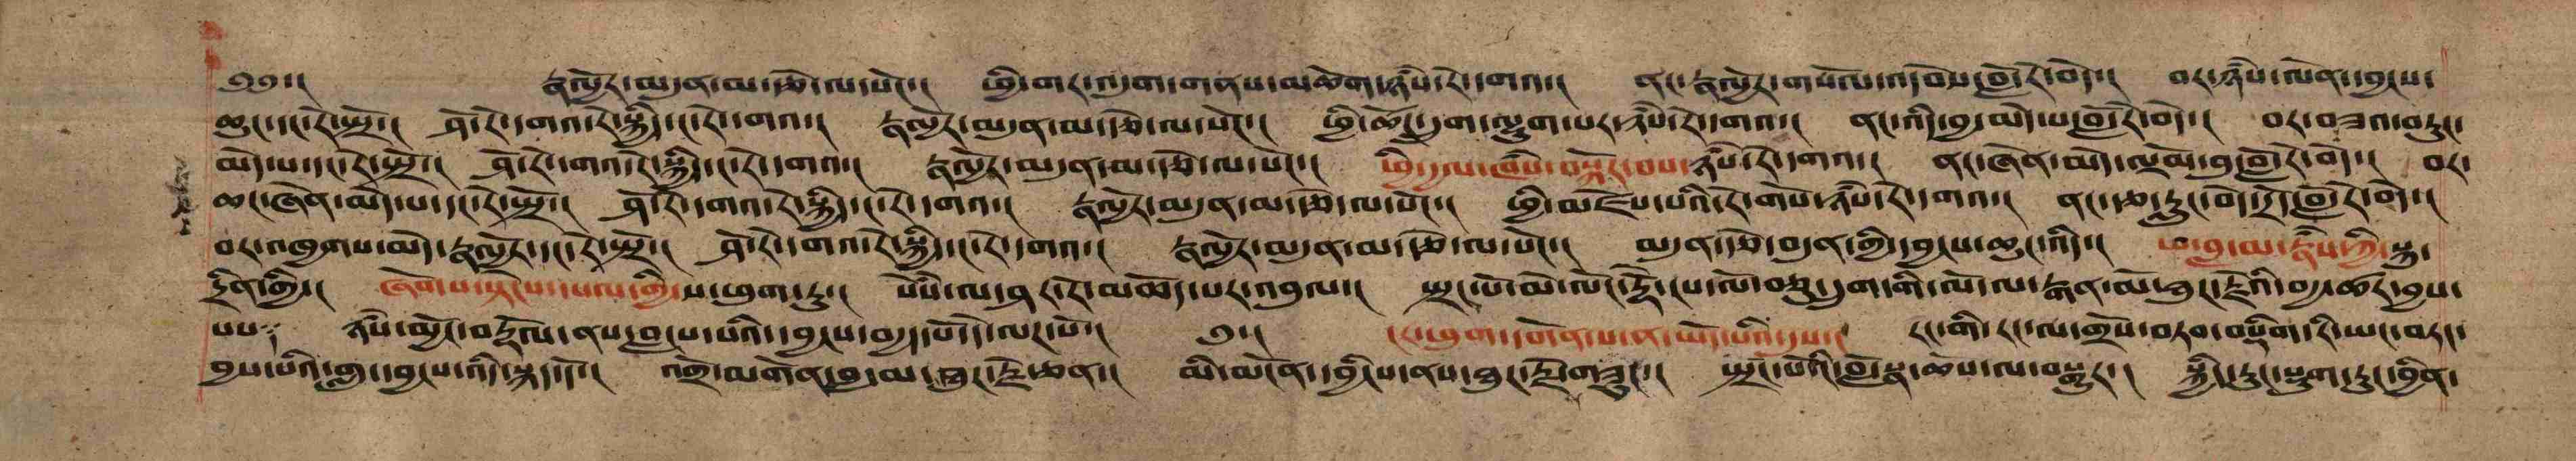༄༅།། རྣལ་འབྱོར་མདུན་མ་རྩེ་ལ་སོང་།། ཕྱི་གར་འདུག་གནས་མཆོག་ཉམས་རེ་དགའ།། ནང་རྣལ་འབྱོར་གསོལ་འདེབས་བློ་རེ་བདེ།། བར་ཉམས་ལེན་དབྱངས་
ཆུང་དང་རེ་སྤྲོ།། ཤོ་རེ་དགའ་རེ་སྐྱིད་ང་རེ་དགའ།། རྣལ་འབྱོར་མདུན་མ་རྩེ་ལ་སོང་།། ཕྱི་ཚོགས་དྲུག་ལྷུག་པར་ཉམས་རེ་དགའ།། ནང་འདི་བྱ་མེད་པ་བློ་རེ་བདེ།། བར་བཟའ་བཏུང་
མེད་པ་དང་རེ་སྤྲོ།། ཤོ་རེ་དགའ་རེ་སྐྱིད་ང་རེ་དགའ།། རྣལ་འབྱོར་མདུན་མ་རྩེ་ལ་སོང་།། ཕྱི་རྒྱལ་ཁམས་བསྐོར་བས་ཉམས་རེ་དགའ།། ནང་ཞེན་མེད་ལྡོམ་བུ་བློ་རེ་བདེ།། བར་
ཆགས་ཞེན་མེད་པ་དང་རེ་སྤྲོ།། ཤོ་རེ་དགའ་རེ་སྐྱིད་ང་རེ་དགའ།། རྣལ་འབྱོར་མདུན་མ་རྩེ་ལ་སོང་།། ཕྱི་མཛེས་པའི་རོ་གོས་ཉམས་རེ་དགའ།། ནང་རྩ་རླུང་བདེ་དྲོད་བློ་རེ་བདེ།། 
བར་འཁྱག་མེད་རྣལ་འབྱོར་དང་རེ་སྤྲོ།། ཤོ་རེ་དགའ་རེ་སྐྱིད་ང་རེ་དགའ།། རྣལ་འབྱོར་མདུན་མ་རྩེ་ལ་སོང་།། མདུན་རྩེ་བདུན་གྱི་དབྱངས་ཆུང་འདི།། ཕ་བླ་མ་རྣམས་ཀྱི་སྐུ་
དྲིན་གྱི།། ཞོགས་སྟེངས་དཔལ་གྱི་ས་ཕུག་ཏུ།། སེམས་ལ་ཤར་རེ་མཆོད་པ་འབུལ།། སྤྲང་པོ་མེ་ལོང་རྡོ་རྗེ་ངས་ལོ་བཅུ་དྲུག་གི་ལོ་ལ་རྒན་མོ་ཐུགས་རྗེའི་བརྒྱ་ཚར་བྱས་
པས། ཉམས་མྱོང་བརྡོལ་ནས་བླངས་པའི་དབྱངས་བརྒྱད་པོ་དེ་ལགས་སོ།། ༄་། ངར་ཕུག་དགོན་པ་ན་ཡོད་པའི་དུས།། རང་གིས་རང་ལ་གྲོས་བཏབ་བསྡིག་རི་ཡང་བཏང་
བྱས་པའི་གླུ་དབྱངས་འདི་སྐད་དོ།། འགྲོ་མགོན་བླ་མ་ཐུགས་རྗེ་ཅན།། མི་མངོན་དབྱིངས་ནས་ཐུགས་རྗེས་བཟུངས།། སྤྲང་པོའི་བློ་སྣ་ཆོས་ལ་བསྒྱུར།། སྐྱིད་རུང་སྡུག་རུང་བྱིན་